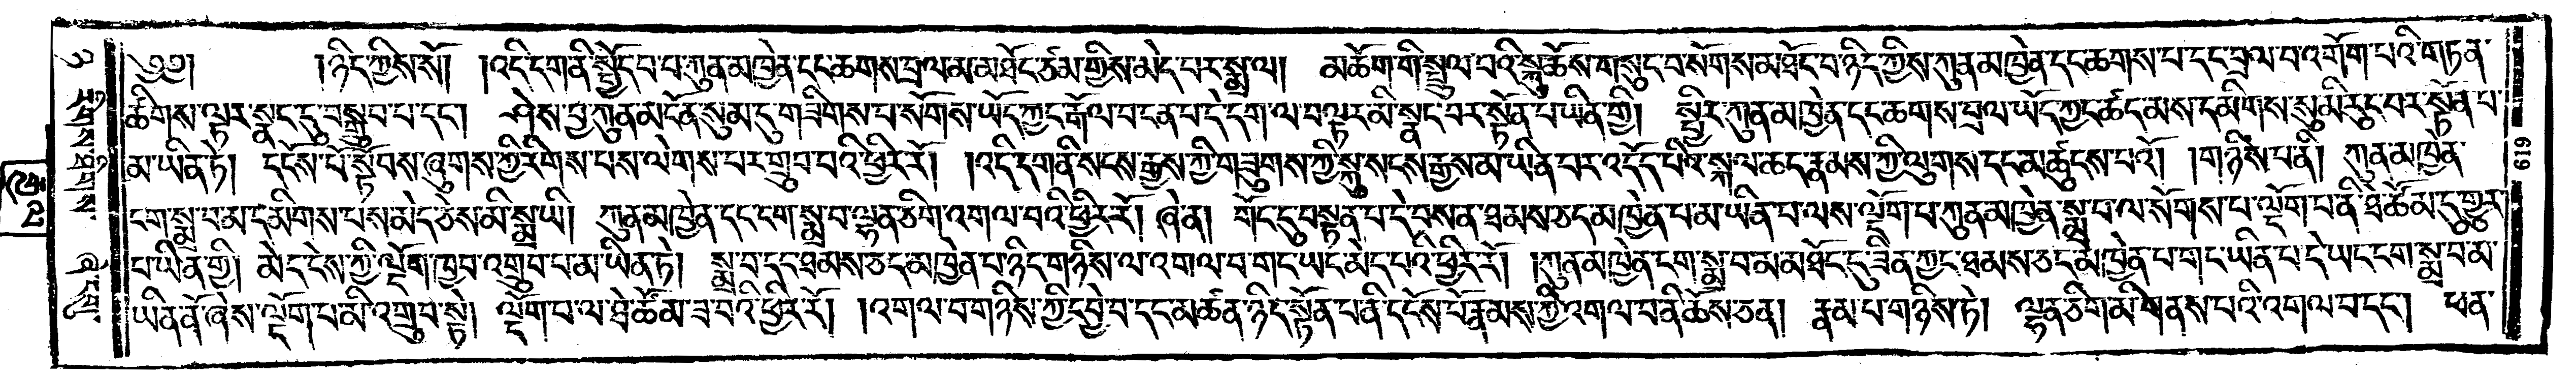༄༅། །ཉིད་ཀྱིས་སོ། །འདི་དག་ནི་སྤྱོད་བ་པ་ཀུན་མཁྱེན་དང་ཆགས་བྲལ་མ་མཐོང་ཙམ་གྱིས་མེད་པར་སྨྲ་ལ། མཆོག་གི་སྤྲུལ་པའི་སྐུ་ཆོས་གསུང་བ་སོགས་མཐོང་བ་ཉིད་ཀྱིས་ཀུན་མཁྱེན་དང་ཆགས་པ་དང་བྲལ་བ་འགོག་པའི་གཏན་
ཚིགས་ལྟར་སྣང་དུ་བསྒྲུབ་པ་དང་། ཤེས་བྱ་ཀུན་མངོན་སུམ་དུ་གཟིགས་པ་སོགས་ཡོད་ཀྱང་རྒོལ་བ་ངན་པ་དེ་དག་ལ་བལྟར་མི་སྣང་པར་སྟོན་པ་ཡིན་གྱི། སྤྱིར་ཀུན་མཁྱེན་དང་ཆགས་བྲལ་ཡོད་ཀྱང་ཚད་མས་དམིགས་སུ་མི་རུང་བར་སྟོན་པ་
མ་ཡིན་ཏེ། དངོས་པོ་སྟོབས་ཞུགས་ཀྱི་རིགས་པས་ལེགས་པར་གྲུབ་པའི་ཕྱིར་རོ། །འདི་དག་ནི་སངས་རྒྱས་ཀྱི་གཟུགས་ཀྱི་སྐུ་སངས་རྒྱས་མ་ཡིན་པར་འདོད་པའི་སྐལ་ཆད་རྣམས་ཀྱི་ལུགས་དང་མཚུངས་པའོ། །གཉིས་པ་ནི། ཀུན་མཁྱེན་
ངག་སྨྲ་བ་མ་དམིགས་པས་མེད་ཅེས་མི་སྨྲ་ཡི། ཀུན་མཁྱེན་དང་ངག་སྨྲ་བ་ལྷན་ཅིག་འགལ་བའི་ཕྱིར་རོ། ཞེ་ན། གོང་དུ་བསྟན་པ་དེ་བས་ན་ཐམས་ཅད་མཁྱེན་པ་མ་ཡིན་པ་ལས་ལྡོག་པ་ཀུན་མཁྱེན་སྨྲ་བ་ལ་སོགས་པ་ལྡོག་པ་ནི་ཐེ་ཚོམ་དུ་གྱུར་
པ་ཡིན་གྱི། མེད་ངེས་ཀྱི་ལྡོག་ཁྱབ་འགྲུབ་པ་མ་ཡིན་ཏེ། སྨྲ་བ་དང་ཐམས་ཅད་མཁྱེན་པ་ཉིད་གཉིས་ལ་འགལ་བ་གང་ཡང་མེད་པའི་ཕྱིར་རོ། །ཀུན་མཁྱེན་དག་སྨྲ་བ་མ་མཐོང་དུ་ཟིན་ཀྱང་ཐམས་ཅད་མཁྱེན་པ་གང་ཡིན་པ་དེ་ཡང་དག་སྨྲ་བ་མ་
ཡིན་ནོ་ཞེས་ལྡོག་པ་མི་འགྲུབ་སྟེ། ལྡོག་པ་ལ་ཐེ་ཚོམ་ཟ་བའི་ཕྱིར་རོ། །འགལ་བ་གཉིས་ཀྱི་དབྱེ་བ་དང་མཚན་ཉིད་སྟོན་པ་ནི་དངོས་པོ་རྣམས་ཀྱི་འགལ་བ་ནི་ཆོས་ཅན། རྣམ་པ་གཉིས་ཏེ། ལྷན་ཅིག་མི་གནས་པའི་འགལ་བ་དང་། ཕན་